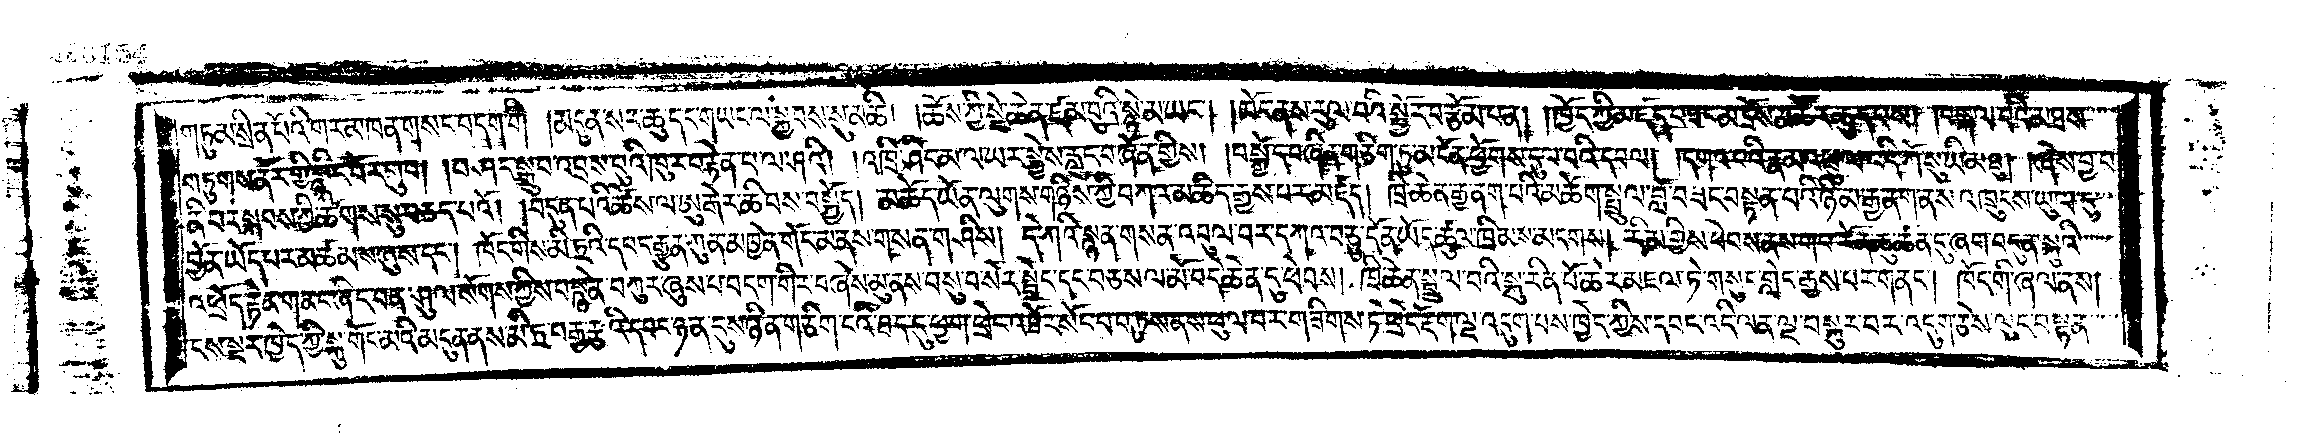གཏུམ་སྲིན་བོའི་གར་མཁན་གསང་བདག་གི །མདུན་སར་ཆུ་དང་གཡང་ལ་སྐྱབས་སུ་མཆི། །ཆོས་ཀྱི་སྡེ་ཆེན་ཛམ་བུའི་སྙེ་མ་ཡང་། །ཁོང་ནས་རུལ་བའི་སྦྱོར་བ་རྩོམ་པ་ན། །ཁྱོད་ཀྱི་མཛད་བཟང་མ་དྲོས་མཚོར་ཆུད་བས། །བསྐལ་བའི་མཐས་
གཏུགས་ནོར་གྱི་སྙིང་པོར་གྲུབ། །བཤད་སྒྲུབ་འབྲས་བུའི་ཁུར་བརྟེན་པ་ལ་ཤའི། །འཁྲི་ཤིང་མ་ལ་ཡར་སྐྱེས་རླུང་བཞོན་གྱིས། །བསྐྱོད་བཞིན་གཅིག་ཏུ་མངོན་ཕྱོགས་དུལ་བའི་དབལ། །དགའ་བའི་རྣམ་འཕྲུལ་འདི་ཀོ་སུ་ཡི་མཐུ། །ཞེས་བྱ་བ་
ནི་བར་སྐབས་ཀྱི་ཚིགས་སུ་བཅད་པའོ། །བདུན་པའི་ཚེས་ལ་ཨུརྒེར་ཆིབས་བསྐྱོད། མཆོད་ཡོན་ལུགས་གཉིས་ཀྱི་བཀའ་མཆིད་རྒྱས་པར་མཛད། ཁྲི་ཆེན་རྒྱ་ནག་པའི་མཆོག་སྤྲུལ་བློ་བཟང་བསྟན་པའི་ཉི་མ་རྒྱ་ནག་ནས་འཁྲུངས་ཡུལ་དུ་
བྱོན་ཡོད་པར་མཚམས་ཞུས་དང་། ཁོང་གིས་མི་ཏྲའི་དབང་རྒྱུན་ཀུན་མཁྱེན་གོང་མ་ནས་གསན་གཤིས། དེ་ཀའི་སྙན་གསན་འབུལ་བར་དཀའ་བཅུ་དོན་ཡོད་ཚུལ་ཁྲིམས་མངགས། རིམ་གྱིས་ཕེབས་ནས་གབ་རོན་ཆུ་ཚན་དུ་ཞག་བདུན་སྐུའི་
འཕྲོད་རྟེན་གནང་ཞིང་བན་ཤུལ་སོགས་ཀྱིས་བསྙེན་བཀུར་ཞུས་པ་བདག་གིར་བཞེས་མུ་ནས་བསུ་བ་སེར་སྦྲེང་དང་བཅས་ལ་མོ་བདེ་ཆེན་དུ་ཕེབས། ཁྲི་ཆེན་སྤྲུལ་པའི་སྐུ་རིན་པོ་ཆེར་མཇལ་ཏེ་གསུང་གླེང་རྒྱས་པར་གནང་། ཁོང་གི་ཞལ་ནས།
ངས་སྔར་ཁྱེད་ཀྱི་སྐུ་གོང་མའི་མདུན་ནས་མི་ཏྲ་བརྒྱ་རྩའི་དབང་ཉན་དུས་ཉིན་གཅིག་ངའི་ཐད་དུ་ཕྱག་ཕྲེང་འཐོར་སོང་བ་བཏུས་ནས་ཕུལ་བར་གཟིགས་ཏེ་ཕྲེང་རྡོག་ལྔ་འདུག་པས་ཁྱེད་ཀྱིས་དབང་འདི་ལན་ལྔ་བསྐུར་བར་འདུག་ཅེས་ལུང་བསྟན་